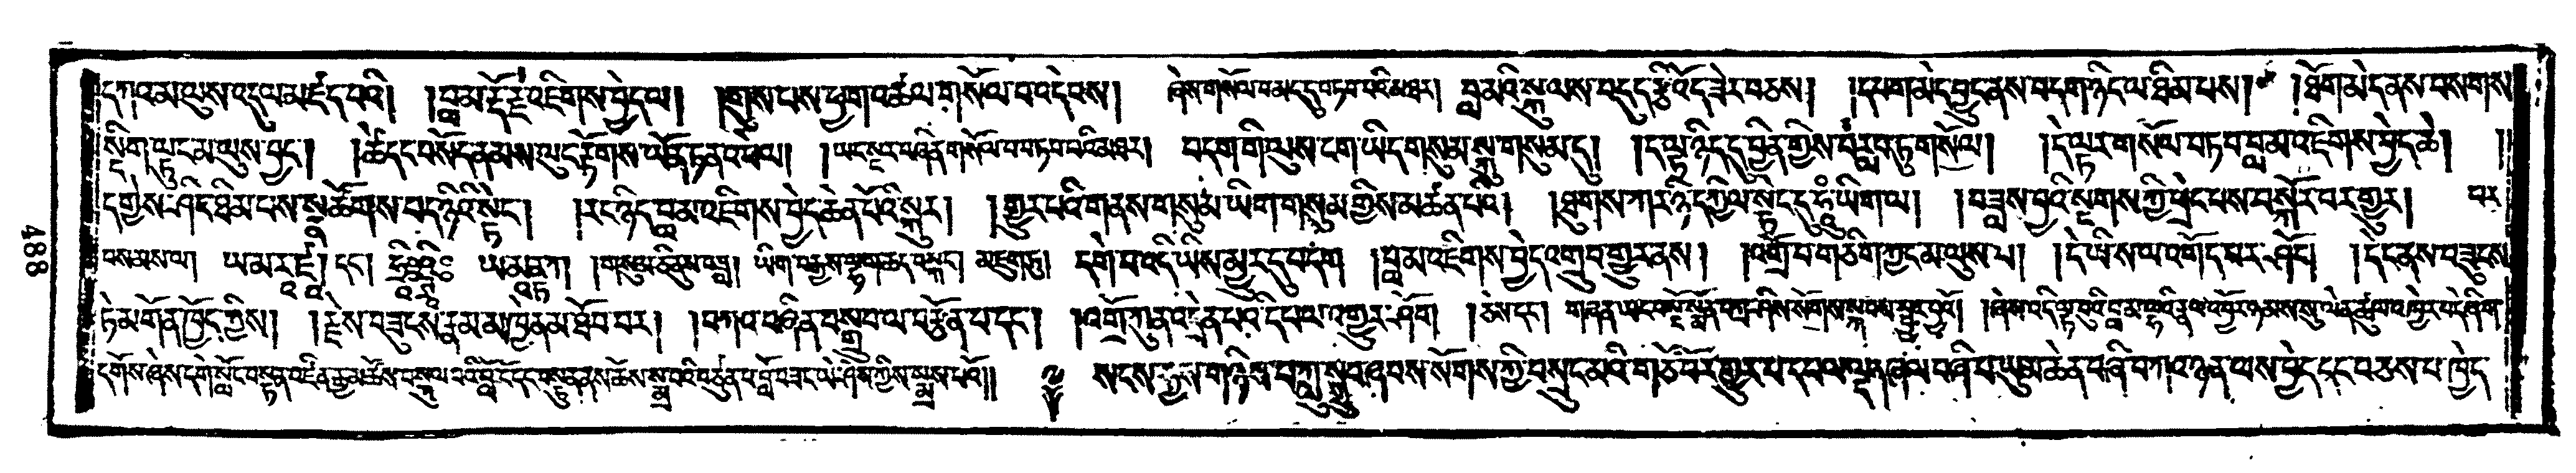དཀའ་མ་ལུས་འདུལ་མཛད་པའི། །བླ་མ་རྡོ་རྗེ་འཇིགས་བྱེད་ལ། །གུས་པས་ཕྱག་འཚལ་གསོལ་བ་འདེབས། །ཞེས་གསོལ་བ་མང་དུ་བཏབ་པའི་མཐར། །བླ་མའི་སྐུ་ལས་བདུད་རྩི་འོད་ཟེར་བཅས། །དཔག་མེད་བྱུང་ནས་བདག་ཉིད་ཐིམ་པས། །ཐོག་མེད་ནས་བསགས་
སྡིག་ལྟུང་མ་ལུས་བྱང་། །ཚེ་དང་བསོད་ནམས་ལུང་རྟོགས་ཡོན་ཏན་འཕེལ། །ཡང་སྔར་བཞིན་གསོལ་བ་བཏབ་པའི་མཐར། །བདག་གིས་ལུས་ངག་ཡིད་གསུམ་སྐུ་གསུམ་དུ། །ད་ལྟ་ཉིད་དུ་བྱིན་གྱིས་བརླབ་ཏུ་གསོལ། །དེ་ལྟར་གསོལ་བཏབ་བླ་མ་འཇིགས་བྱེད་ཆེ། །
དགྱེས་ཤིང་ཐིམ་པས་སྣ་ཚོགས་པད་ཉིའི་སྟེང་། །རང་ཉིད་བླ་མ་འཇིགས་བྱེད་ཆེན་པོའི་སྐུར། །གྱུར་པའི་གནས་གསུམ་ཡིག་གསུམ་གྱིས་མཚན་པའི། །ཐུགས་ཀར་ཉི་དཀྱིལ་སྟེང་དུ་ཧཱུཾ་ཡིག་ལ། །བཟླས་བྱའི་སྔགས་ཀྱི་ཕྲེང་བས་བསྐོར་བར་གྱུར། པར་
བསམས་ལ། །ཡ་མ་རཱ་ཛཱ། དང་། ཡ་མཱནྟ་ཀ་གསུམ་ཅི་ནུས་བཟླ། ཡིག་བརྒྱས་ལྷག་ཆད་བསྐང་། །མཇུག་ཏུ། །དགེ་བ་འདི་ཡིས་མྱུར་དུ་བདག །བླ་མ་འཇིགས་བྱེད་འགྲུབ་གྱུར་ནས། །འགྲོ་བ་གཅིག་ཀྱང་མ་ལུས་པ། །དེ་ཡི་ས་ལ་འགོད་པར་ཤོག །དེང་ནས་གཟུངས་
ཏེ་མགོན་ཁྱོད་ཀྱིས། །རྗེས་བཟུངས་རྣམ་མཁྱེན་མ་ཐོབ་བར། །བཀའ་བཞིན་བསྒྲུབ་ལ་བརྩོན་པ་དང་། །འགྲོ་ཀུན་འདྲེན་པའི་དཔལ་འགྱུར་ཤོག །ཅེས་པ་དང་། །གཞན་ཡང་བསྔོ་སྨོན་བཀྲ་ཤིས་སོགས་སྐབས་སྦྱར་བྱའོ། །ཞེས་འདི་ལྟ་བུའི་བླ་མ་ལྷའི་རྣལ་འབྱོར་ཉམས་སུ་ལེན་ཚུལ་འཁྱེར་བདེ་ཞིག་
དགོས་ཞེས་དགེ་སློང་བསྟན་འཛིན་རྒྱ་མཚོས་བསྐུལ་བའི་བློ་ངོ་དང་བསྟུན་ནས་ཆོས་སྨྲ་བའི་བཙུན་པ་བློ་བཟང་ཡེ་ཤེས་ཀྱིས་སྨྲས་པའོ།། ༈ སངས་རྒྱས་གཉིས་པ་ཀླུ་སྒྲུབ་ཞབས་སོགས་ཀྱི་བསྲུང་མའི་གྱུར་པ་དཔལ་ལྡན་ཞལ་བཞི་པ་ཡུམ་ཆེན་བཞི་བཀའ་ཉན་ལས་བྱེད་དང་བཅས་པ་ཁྱེད་